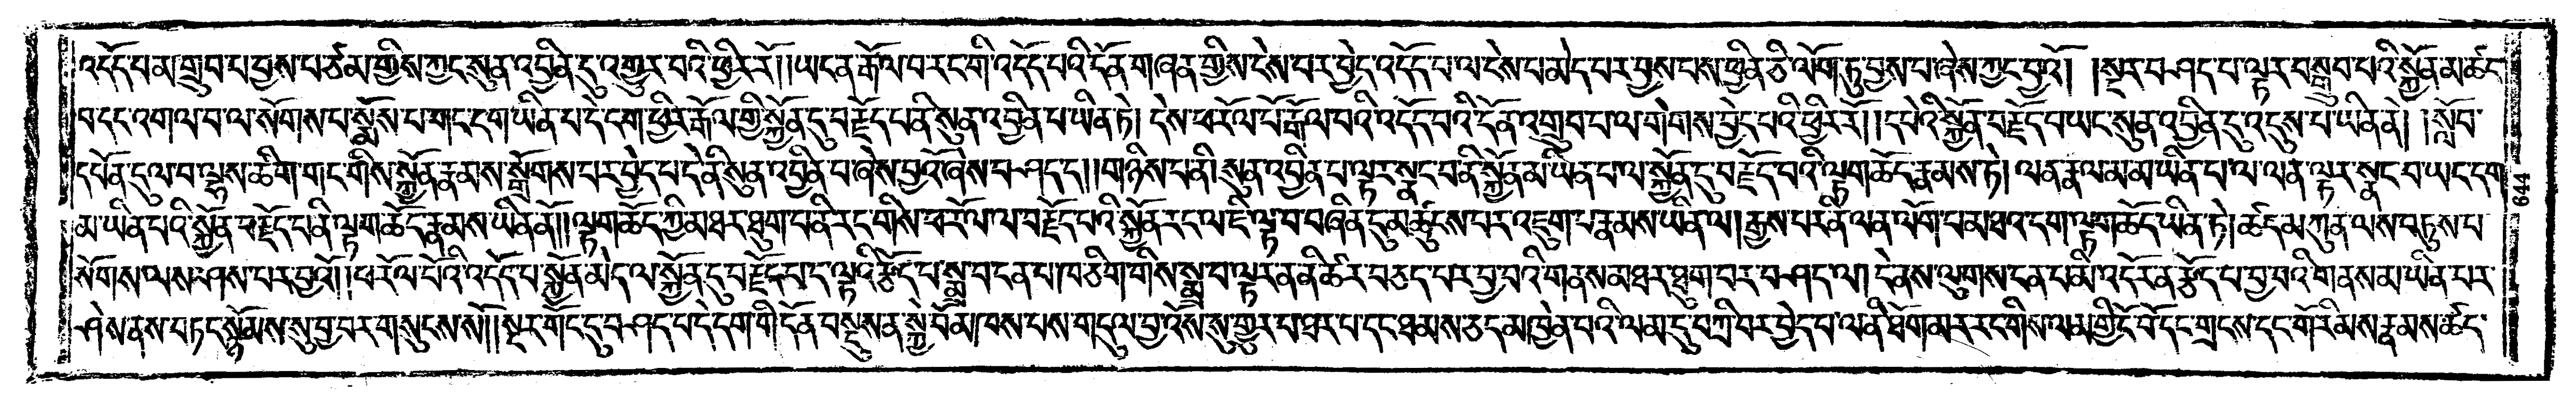འདོད་པ་མ་གྲུབ་པ་བྱས་པ་ཙམ་གྱིས་ཀྱང་སུན་འབྱིན་དུ་འགྱུར་བའི་ཕྱིར་རོ། །ཡང་ན་རྒོལ་བ་རང་གི་འདོད་པའི་དོན་གཞན་གྱིས་ངེས་པར་བྱེད་འདོད་པ་ལ་ངེས་པ་མེད་པར་བྱས་པས་ཕྱིན་ཅི་ལོག་ཏུ་བྱས་པ་ཞེས་ཀྱང་བྱའོ། །སྔར་བཤད་པ་ལྟར་བསྒྲུབ་པའི་སྐྱོན་མ་ཚང་
བ་དང་འགལ་བ་ལ་སོགས་པ་སྨོས་པ་གང་དག་ཡིན་པ་དེ་དག་ཕྱིར་རྒོལ་གྱི་སྐྱོན་དུ་བརྗོད་པ་ནི་སུན་འབྱིན་པ་ཡིན་ཏེ། དེས་ཕ་རོལ་པོ་རྒོལ་བའི་འདོད་པའི་དོན་འགྲུབ་པ་ལ་གེགས་བྱེད་པའི་ཕྱིར་རོ། །དཔེའི་སྐྱོན་བརྗོད་པ་ཡང་སུན་འབྱིན་དུ་འདུས་པ་ཡིན་ནོ། །སློབ་
དཔོན་དུལ་བ་ལྷས་ཚིག་གང་གིས་སྐྱོན་རྣམས་སྒྲོགས་པར་བྱེད་པ་དེ་ནི་སུན་འབྱིན་པ་ཞེས་བྱའོ་ཞེས་བཤད་ད། །གཉིས་པ་ནི། སུན་འབྱིན་པ་ལྟར་སྣང་བ་ནི་སྐྱོན་མ་ཡིན་པ་ལ་སྐྱོན་དུ་བརྗོད་པའི་ལྟག་ཆོད་རྣམས་ཏེ། ལན་རྣལ་མ་མ་ཡིན་པ་ལ་ལན་ལྟར་སྣང་བ་ཡང་དག་
མ་ཡིན་པའི་སྐྱོན་བརྗོད་པ་ནི་ལྟག་ཆོད་རྣམས་ཡིན་ནོ། །ལྟག་ཆོད་ཀྱི་མཐར་ཐུག་པ་ནི་རང་གིས་ཕ་རོལ་ལ་བརྗོད་པའི་སྐྱོན་རང་ལ་ཇི་ལྟ་བ་བཞིན་དུ་མཚུངས་པར་འཇུག་པ་རྣམས་ཡིན་ལ། རྒྱས་པར་ནི་ལན་ལོག་པ་མཐའ་དག་ལྟག་ཆོད་ཡིན་ཏེ། ཚད་མ་ཀུན་ལས་བཏུས་པ་
སོགས་ལས་ཤས་པར་བྱའོ། །ཕ་རོལ་པོའི་འདོད་པ་སྐྱོན་མེད་ལ་སྐྱོན་དུ་བརྗོད་པ་ད་ལྟའི་རྩོད་པ་སྨྲ་བ་ངན་པ་ཁ་ཅིག་གིས་སྨྲ་བ་ལྟར་ན་ནི་ཚར་བཅད་པར་བྱ་བའི་གནས་མཐར་ཐུག་པར་བཤད་ལ། དེ་ནས་ལུགས་ངན་པ་མི་འདོར་ན་རྩོད་པ་བྱ་བའི་གནས་མ་ཡིན་པར་
ཤེས་ནས་བཏང་སྙོམས་སུ་བྱ་བར་གསུངས་སོ། །སྔར་གོང་དུ་བཤད་པ་དེ་དག་གི་དོན་བསྡུས་ན་སྐྱེ་བོ་མཁས་པས་གདུལ་བྱ་འོས་སུ་གྱུར་པ་ཐར་པ་དང་ཐམས་ཅད་མཁྱེན་པའི་ལམ་དུ་བཀྲི་བར་བྱེད་པ་ལ་ནི་ཐོག་མར་རང་གིས་ལམ་གྱི་ངོ་བོ་དང་གྲངས་དང་གོ་རིམས་རྣམས་ཚད་